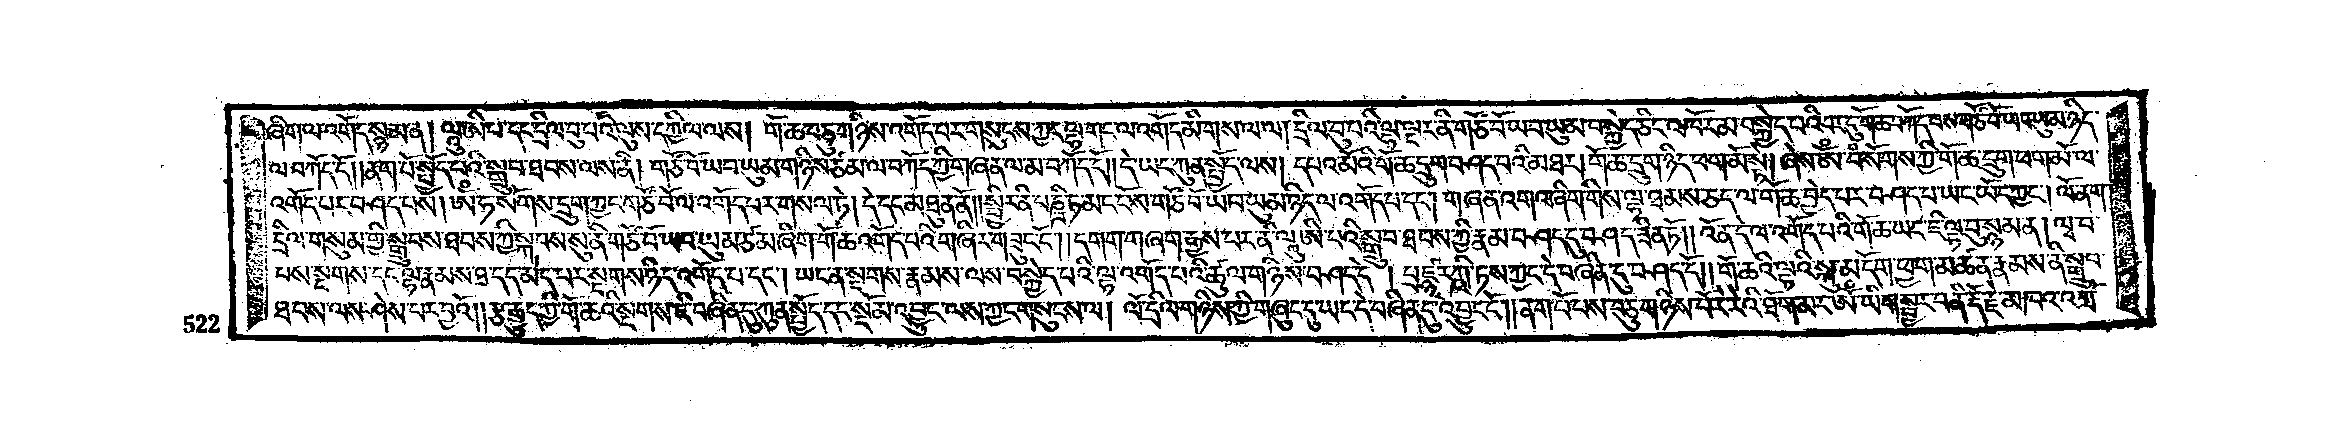ཞིག་ལ་འགོད་སྙམ་ན། ལཱུ་ཨི་པ་དང་དྲིལ་བུ་པའི་ལུས་དཀྱིལ་ལས། གོ་ཆ་བཅུ་གཉིས་འགོད་པར་གསུངས་ཀྱང་ལྷ་གང་ལ་འགོད་མི་གསལ་ལ། དྲིལ་བུ་པའི་ལྷ་ལྔར་ནི་གཙོ་བོ་ཡབ་ཡུམ་བསྐྱེད་ཅིང་འཁོར་མ་བསྐྱེད་པའི་བར་དུ་གོ་ཆ་བཀོད་པས་གཙོ་བོ་ཡབ་ཡུམ་ཉིད་
ལ་བཀོད་དོ། །ནག་པོ་སྤྱོད་པའི་སྒྲུབ་ཐབས་ལས་ནི། གཙོ་བོ་ཡབ་ཡུམ་གཉིས་ཙམ་ལ་བཀོད་ཀྱི་གཞན་ལ་མ་བཀོད་དོ། །དེ་ཡང་ཀུན་སྤྱོད་ལས། དཔའ་མོའི་གོ་ཆ་དྲུག་བཤད་པའི་མཐར། གོ་ཆ་དྲུག་ཉིད་ཕག་མོ་སྟེ། ཞེས་ཨོཾ་བཾ་སོགས་ཀྱི་གོ་ཆ་དྲུག་ཕག་མོ་ལ་
འགོད་པར་བཤད་པས། ཨོཾ་ཧ་སོགས་དྲུག་ཀྱང་གཙོ་བོ་ལ་འགོད་པར་གསལ་ཏེ། དེ་དང་མཐུན་ནོ། །སྤྱིར་ནི་པཎྜི་ཏ་མང་པོས་གཙོ་བོ་ཡབ་ཡུམ་ཉིད་ལ་འགོད་པ་དང་། གཞན་འགའ་ཞིག་གིས་ལྷ་ཐམས་ཅད་ལ་གོ་ཆ་བྱེད་པར་བཤད་པ་ཡང་ཡོད་ཀྱང་། ལོ་ནག་
དྲིལ་གསུམ་གྱི་སྒྲུབས་ཐབས་ཀྱི་སྐབས་སུ་ནི་གཙོ་བོ་ཡབ་ཡུམ་ཙམ་ཞིག་གོ་ཆ་འགོད་པའི་གཞིར་གཟུང་ངོ། །དགག་གཞག་རྒྱས་པར་ནི་ལཱུ་ཨི་པའི་སྒྲུབ་ཐབས་ཀྱི་རྣམ་བཤད་དུ་བཤད་ཟིན་ཏོ། །འོ་ན་དེ་ལ་འགོད་པའི་གོ་ཆ་ཡང་ཇི་ལྟ་བུ་སྙམ་ན། ལྭ་བ་
པས་སྔགས་དང་ལྷ་རྣམས་ཐ་དད་མེད་པར་སྔགས་ཉིད་འགོད་པ་དང་། ཡང་ན་སྔགས་རྣམས་ལས་བསྐྱེད་པའི་ལྷ་འགོད་པའི་ཚུལ་གཉིས་བཤད་དེ། པྲཛྙཱ་རཀྵི་ཏས་ཀྱང་དེ་བཞིན་དུ་བཤད་དོ། །གོ་ཆའི་ལྷའི་སྐུ་མདོག་ཕྱག་མཚན་རྣམས་ནི་སྒྲུབ་
ཐབས་ལས་ཤེས་པར་བྱའོ། །རྩ་རྒྱུད་ཀྱི་གོ་ཆའི་སྔགས་ཇི་བཞིན་དུ་ཀུན་སྤྱོད་དང་སྡོམ་འབྱུང་ལས་ཀྱང་གསུངས་ལ། ལོ་དྲིལ་གཉིས་ཀྱི་གཞུང་དུ་ཡང་དེ་བཞིན་དུ་འབྱུང་ངོ། །ནག་པོ་པས་བཅུ་གཉིས་པོ་རེ་རེའི་ཐོག་མར་ཨོཾ་ཡིག་སྦྱར་བ་ནི་རྡོ་རྗེ་མཁའ་འགྲོ་